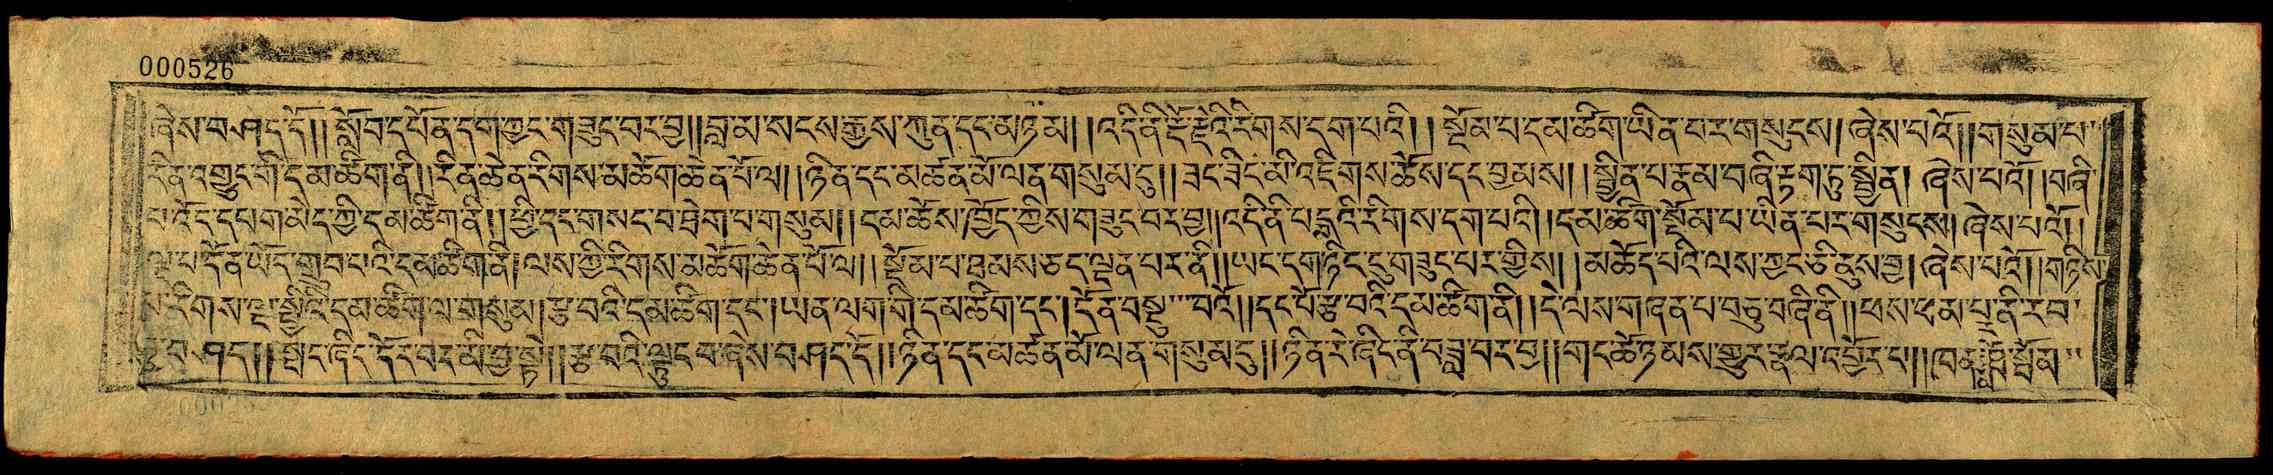ཞེས་བཤད་དོ། །སློབ་དཔོན་དག་ཀྱང་གཟུང་བར་བྱ། །བླ་མ་སངས་རྒྱས་ཀུན་དང་མཉམ། །འདི་ནི་རྡོ་རྗེའི་རིགས་དག་པའི། །སྡོམ་པ་དམ་ཚིག་ཡིན་པར་གསུངས། ཞེས་པའོ། །གསུམ་པ་
རིན་འབྱུང་གི་དམ་ཚིག་ནི། །རིན་ཆེན་རིགས་མཆོག་ཆེན་པོ་ལ། །ཉིན་དང་མཚན་མོ་ལན་གསུམ་དུ། །ཟང་ཟིང་མི་འཇིགས་ཆོས་དང་བྱམས། །སྦྱིན་པ་རྣམ་བཞི་རྟག་ཏུ་སྦྱིན། ཞེས་པའོ། །བཞི་
པ་འོད་དཔག་མེད་ཀྱི་དམ་ཚིག་ནི། །ཕྱི་དང་གསང་བ་ཐེག་པ་གསུམ། །དམ་ཆོས་ཁྱོད་ཀྱིས་གཟུང་བར་བྱ། །འདི་ནི་པདམའི་རིགས་དག་པའི། །དམ་ཚིག་སྡོམ་པ་ཡིན་པར་གསུངས། ཞེས་པའོ། །
ལྔ་པ་དོན་ཡོད་གྲུབ་པའི་དམ་ཚིག་ནི། ལས་ཀྱི་རིགས་མཆོག་ཆེན་པོ་ལ། །སྡོམ་པ་ཐམས་ཅད་ལྡན་པར་ནི། །ཡང་དག་ཉིད་དུ་གཟུང་བར་གྱིས། །མཆོད་པའི་ལས་ཀྱང་ཅི་ནུས་བྱ། ཞེས་པའོ། །གཉིས་
པ་རིགས་ལྔ་སྤྱིའི་དམ་ཚིག་ལ་གསུམ། རྩ་བའི་དམ་ཚིག་དང་། ཡན་ལག་གི་དམ་ཚིག་དང་། དོན་བསྡུ་བའོ། །དང་པོ་རྩ་བའི་དམ་ཚིག་ནི། །དེ་ལས་གཞན་པ་བཅུ་བཞི་ནི། །ཕས་ཕམ་པར་ནི་རབ་
ཏུ་བཤད། །སྤང་ཞིང་དོར་བར་མི་བྱ་སྟེ། །རྩ་བའི་ལྟུང་བ་ཞེས་བཤད་དོ། །ཉིན་དང་མཚན་མོ་ལན་གསུམ་དུ། །ཉིན་རེ་ཞིང་ནི་བཟླ་བར་བྱ། །གང་ཚེ་ཉམས་གྱུར་རྣལ་འབྱོར་པ། །ཁ་ན་མ་ཐོ་སྦོམ་